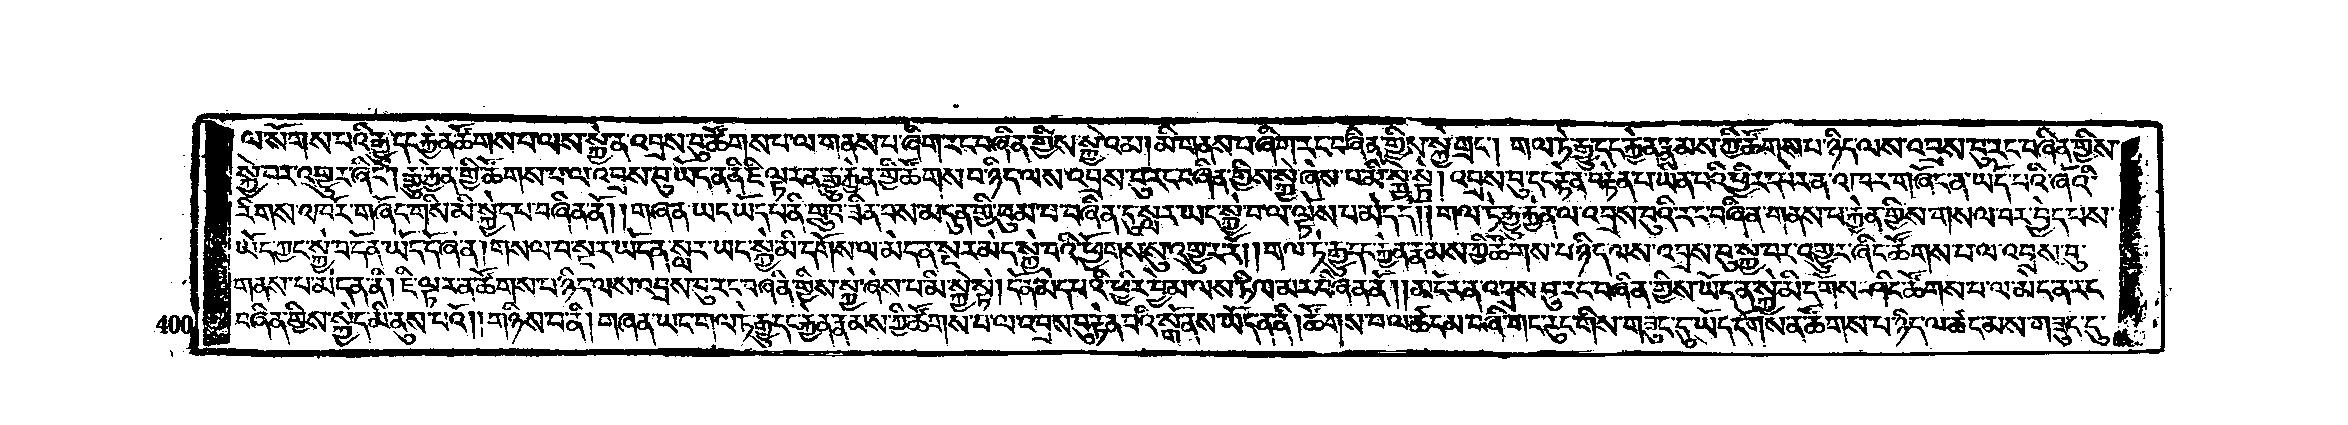ལ་སོགས་པའི་རྒྱུ་དང་རྐྱེན་ཚོགས་པ་ལས་སྐྱེ་ན་འབྲས་བུ་ཚོགས་པ་ལ་གནས་པ་ཞིག་རང་བཞིན་གྱིས་སྐྱེའམ། མི་གནས་པ་ཞིག་རང་བཞིན་གྱིས་སྐྱེ་གྲང་། གལ་ཏེ་རྒྱུ་དང་རྐྱེན་རྣམས་ཀྱི་ཚོགས་པ་ཉིད་ལས་འབྲས་བུ་རང་བཞིན་གྱིས་
སྐྱེ་བར་འགྱུར་ཞིང་། རྒྱུ་རྐྱེན་གྱི་ཚོགས་པ་ལ་འབྲས་བུ་ཡོད་ན་ནི་ཇི་ལྟར་ན་རྒྱུ་རྐྱེན་གྱི་ཚོགས་པ་ཉིད་ལས་འབྲས་བུ་རང་བཞིན་གྱིས་སྐྱེ་ཞེས་པ་མི་སྐྱེ་སྟེ། འབྲས་བུ་དང་རྟེན་བརྟེན་པ་ཡིན་པའི་ཕྱིར་དཔེར་ན་འཁར་གཞོང་ན་ཡོད་པའི་ཞོའི་
རིགས་འཁར་གཞོང་གིས་མི་སྐྱེད་པ་བཞིན་ནོ། །གཞན་ཡང་ཡོད་པ་ནི་གྲུབ་ཟིན་པས་མདུན་གྱི་བུམ་པ་བཞིན་དུ་སླར་ཡང་སྐྱེ་བ་ལ་ལྟོས་པ་མེད་དོ། །གལ་ཏེ་རྒྱུ་རྐྱེན་ལ་འབྲས་བུའི་རང་བཞིན་གནས་པ་རྐྱེན་གྱིས་གསལ་བར་བྱེད་པས་
ཡོད་ཀྱང་སྐྱེ་བ་དོན་ཡོད་དོ་ཞེ་ན། གསལ་བ་སྔར་ཡོད་ན་སླར་ཡང་སྐྱེ་མི་དགོས་ལ་མེད་ན་སྔར་མེད་སྐྱེ་བའི་ཕྱོགས་སུ་འགྱུར་རོ། །གལ་ཏེ་རྒྱུ་དང་རྐྱེན་རྣམས་ཀྱི་ཚོགས་པ་ཉིད་ལས་འབྲས་བུ་སྐྱེ་བར་འགྱུར་ཞིང་ཚོགས་པ་ལ་འབྲས་བུ་
གནས་པ་མེད་ན་ནི། ཇི་ལྟར་ན་ཚོགས་པ་ཉིད་ལས་འབྲས་བུ་རང་བཞིན་གྱིས་སྐྱེ་ཞེས་པ་མི་སྐྱེ་སྟེ། དེ་ན་མེད་པའི་ཕྱིར་བྱེ་མ་ལས་ཏིལ་མར་བཞིན་ནོ། །མདོར་ན་འབྲས་བུ་རང་བཞིན་གྱིས་ཡོད་ན་སྐྱེ་མི་དགོས་ཤིང་ཚོགས་པ་ལ་མེད་ན་རང་
བཞིན་གྱིས་སྐྱེད་མི་ནུས་པའོ། །གཉིས་པ་ནི། གཞན་ཡང་གལ་ཏེ་རྒྱུ་དང་རྐྱེན་རྣམས་ཀྱི་ཚོགས་པ་ལ་འབྲས་བུ་རྟེན་པའི་སྒོ་ནས་ཡོད་ན་ནི། ཚོགས་པ་ལ་ཚད་མ་བཞི་གང་རུང་གིས་གཟུང་དུ་ཡོད་དོགས་ན་ཚོགས་པ་ཉིད་ལ་ཚད་མས་གཟུང་དུ་